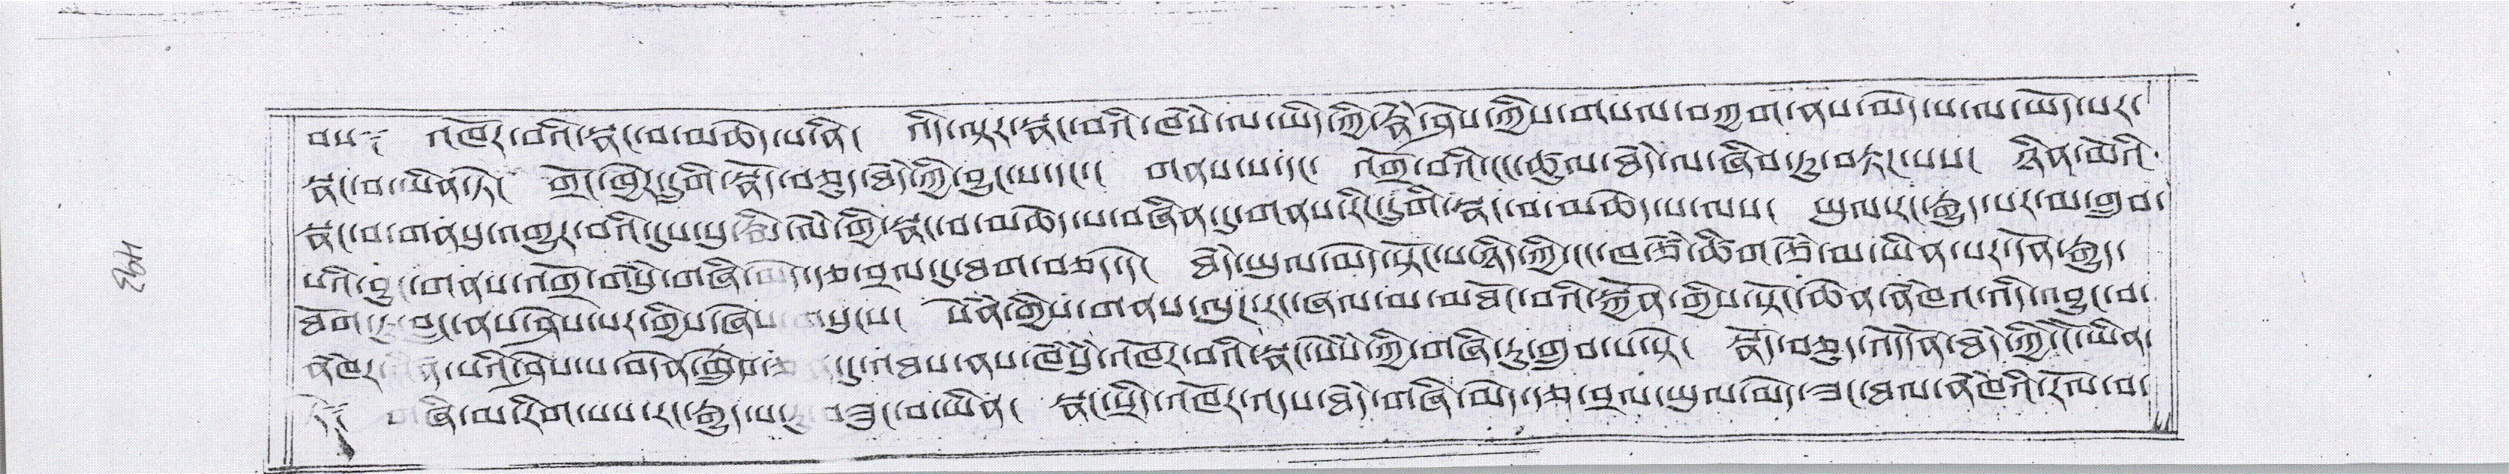བས་འཁོར་བའི་སྣང་བ་མཆེད་པ་ནི། འདི་ལྟར་སྣང་བའི་ཁམས་ལ་ཡིད་ཀྱི་རྣམ་ཤེས་ཀྱིས་གསལ་བཀྱག་ནས་མེད་པ་ལ་ཡོད་པར་
སྣང་བ་ཡིན་ཏེ། གྲོང་ཁྱེར་དྲུག་གི་སྣོད་བཅུད་ཐམས་ཅད་ཀྱི་བྱུང་བ་དང་། གནས་པ་དང་འགྲོ་བའི་ངང་ཚུལ་ཐམས་ཅད་ལ་ཞིབ་ཏུ་བརྟགས་པས་ཉིན་མོའི་
སྣང་བ་གནས་སུ་འགྱུར་བའི་དུས་སུ་རྨི་ལམ་གྱི་སྣང་བ་མཆེད་པ་བཞིན་དུ་གནས་རིགས་དྲུག་གི་སྣང་བ་མཆེད་པ་ལས། ཡུལ་རང་རྒྱུད་པར་མ་གྲུབ་
པའི་བྱུང་གནས་འགྲོ་གསུམ་གཞི་མེད་རྩ་བྲལ་དུ་ཐག་བཅད་དེ། ཐམས་ཅད་ཡུལ་མེད་སྟོང་པ་ཉིད་ཀྱི་ངང་ཁ་ཙམ་ཚིག་ཙམ་མ་ཡིན་པར་དོན་རྒྱུད་
ཐོག་ཏུ་བཟུང་ནས་ཤེས་པར་གྱིས་ཞེས་གསུངས། སེམས་ཅན་གྱིས་གནས་ལུགས་རང་ཞལ་མ་མཐོང་བའི་སྐྱོན་གྱིས་སྟོང་ཆེན་ནམ་མཁའ་འདི་འབྱུང་བ་
ནམ་མཁར་འཛིན་པའི་ཤེས་པ་བདེན་གྲུབ་ཅན་དུ་འཐས་ནས་ཁམས་གསུམ་འཁོར་བའི་སྣང་སེམས་ཀྱི་གཞི་རུ་གྲུབ་པ་སྟེ། སྣོད་བཅུད་འདོད་ཡོན་ཐམས་ཅད་ཀྱི་ངོ་བོ་ཡིན་
ཏེ། གཞི་མ་རིག་པས་རང་རྒྱུད་པ་རུ་བཟུང་བ་ཡིན། སྣང་སྲིད་འཁོར་འདས་ཐམས་ཅད་གཞི་མེད་རྩ་བྲལ་ཡུལ་མེད་ཟང་ཐལ་ནམ་མཁའི་རོལ་པ་